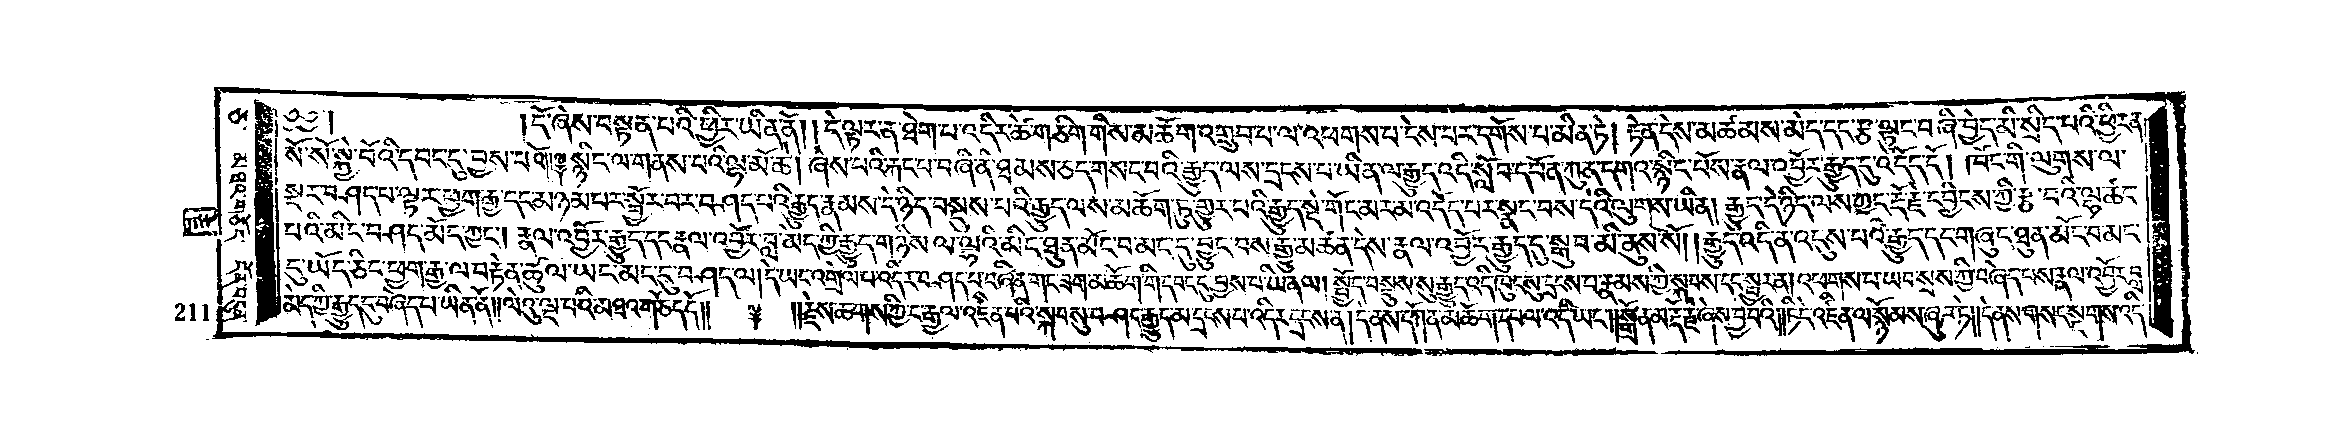༄༅། །དོ་ཞེས་བསྟན་པའི་ཕྱིར་ཡིན་ནོ། །དེ་ལྟར་ན་ཐེག་པ་འདིར་ཚེ་གཅིག་གིས་མཆོག་འགྲུབ་པ་ལ་འཕགས་པ་ངེས་པར་དགོས་པ་མིན་ཏེ། རྟེན་དེས་མཚམས་མེད་དང་རྩ་ལྟུང་བཞི་བྱེད་མི་སྲིད་པའི་ཕྱིར་ན་
སོ་སོ་སྐྱེ་བོའི་དབང་དུ་བྱས་པའོ།། ༈ སྙིང་ལ་གནས་པའི་ལྷ་མོ་ཆེ། ཞེས་པའི་རྐང་པ་བཞི་ནི་ཐམས་ཅད་གསང་བའི་རྒྱུད་ལས་དྲངས་པ་ཡིན་ལ་རྒྱུད་འདི་སློབ་དཔོན་ཀུན་དགའ་སྙིང་པོས་རྣལ་འབྱོར་རྒྱུད་དུ་འདོད་དོ། ཁོང་གི་ལུགས་ལ་
སྔར་བཤད་པ་ལྟར་ཕྱག་རྒྱ་དང་མཉམ་པར་སྦྱོར་བར་བཤད་པའི་རྒྱུད་རྣམས་དེ་ཉིད་བསྡུས་པའི་རྒྱུད་ལས་མཆོག་ཏུ་གྱུར་པའི་རྒྱུད་སྡེ་གོང་མར་མི་འདོད་པར་སྣང་བས་དེའི་ལུགས་ཡིན། རྒྱུད་དེ་ཉིད་ལས་ཀྱང་རྡོ་རྗེ་དབྱིངས་ཀྱི་རྩ་བའི་ལྷ་ཚང་
པའི་མིང་བཤད་མོད་ཀྱང་། རྣལ་འབྱོར་རྒྱུད་དང་རྣལ་འབྱོར་བླ་མེད་ཀྱི་རྒྱུད་གཉིས་ལ་ལྷའི་མིང་ཐུན་མོང་བ་མང་དུ་བྱུང་བས་རྒྱུ་མཚན་དེས་རྣལ་འབྱོར་རྒྱུད་དུ་སྒྲུབ་མི་ནུས་སོ། །རྒྱུད་འདི་ན་འདུས་པའི་རྒྱུད་དང་གཞུང་ཐུན་མོང་བ་མང་
དུ་ཡོད་ཅིང་ཕྱག་རྒྱ་ལ་བརྟེན་ཚུལ་ཡང་མང་དུ་བཤད་ལ། དེ་ཡང་འགྲེལ་པ་འདིར་བཤད་པ་བཞིན་གང་ཟག་མཆོག་གི་དབང་དུ་བྱས་པ་ཡིན་ལ། སྤྱོད་བསྡུས་སུ་རྒྱུད་འདི་ཁུངས་སུ་དྲངས་པ་རྣམས་ཀྱི་སྐབས་དང་སྦྱར་ན། འཕགས་པ་ཡབ་སྲས་ཀྱི་བཞེད་པས་རྣལ་འབྱོར་བླ་
མེད་ཀྱི་རྒྱུད་དུ་བཞེད་པ་ཡིན་ནོ། །ལེའུ་ལྔ་པའི་མཐའ་གཅོད་དོ།། ༈ །།རྗེས་ཆགས་ཀྱི་ང་རྒྱལ་འཛིན་པའི་སྐབས་སུ་བཤད་རྒྱུད་མ་དྲངས་པ་འདིར་དྲངས་ན། དེ་ནས་དཀོན་མཆོག་དཔལ་འདི་ཡང་། །སྒྲོན་མ་རྡོ་རྗེ་ཞེས་བྱ་བའི། །ཏིང་ངེ་འཛིན་ལ་སྙོམས་ཞུགས་ཏེ། །དེ་ནས་གསང་སྔགས་འདི་